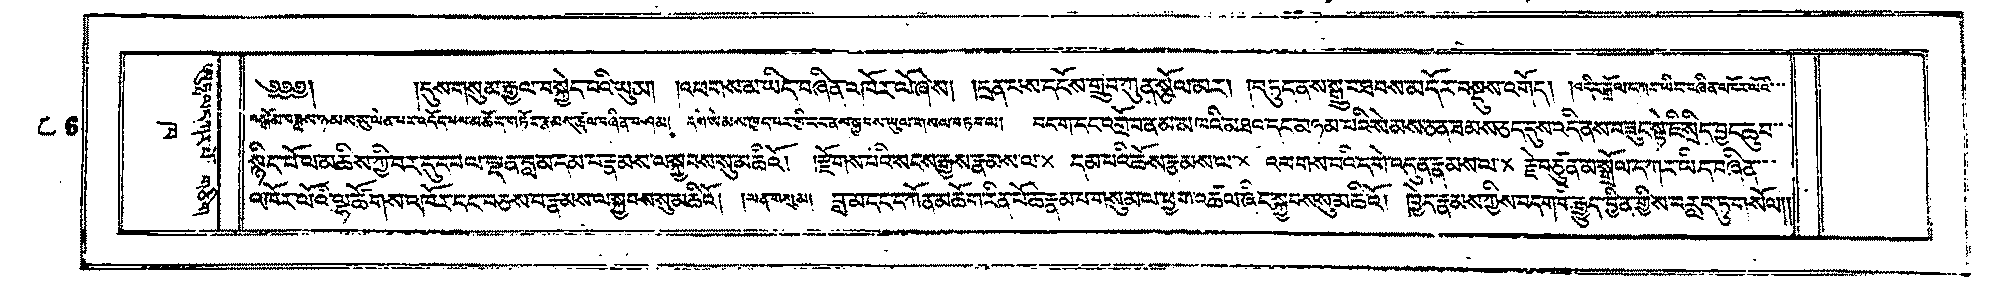༄༅༅། །དུས་གསུམ་རྒྱལ་བ་སྐྱེད་པའི་ཡུམ། །འཕགས་མ་ཡིད་བཞིན་འཁོར་ལོ་ཞེས། །དྲན་པས་དངོས་གྲུབ་ཀུན་སྩོལ་མར། །བཏུད་ནས་སྒྲུབ་ཐབས་མདོར་བསྡུས་འགོད། །འདིར་སྒྲོལ་དཀར་ཡིད་བཞིན་འཁོར་ལོའི་་་
བསྒོམ་བཟླས་ཉམས་སུ་ལེན་པར་འདོད་པས་མཆོད་གཏོར་རྣམས་ཚུལ་བཞིན་བཤམ། དགེ་སེམས་ཁྱད་པར་གྱི་ངང་ནས་སྐྱབས་ཡུལ་གསལ་བཏབ་ལ། བདག་དང་འགྲོ་བ་ནམ་མཁའི་མཐའ་དང་མཉམ་པའི་སེམས་ཅན་ཐམས་ཅད་དུས་འདི་ནས་བཟུང་སྟེ་ཇི་སྲིད་བྱང་ཆུབ་་་
སྙིང་པོ་ལ་མཆིས་ཀྱི་བར་དུ་དཔལ་ལྡན་བླ་མ་དམ་པ་རྣམས་ལ་སྐྱབས་སུ་མཆིའོ། །རྫོགས་པའི་སངས་རྒྱས་རྣམས་ལ་྾་དམ་པའི་ཆོས་རྣམས་ལ་྾་འཕགས་པའི་དགེ་འདུན་རྣམས་ལ་྾་རྗེ་བཙུན་མ་སྒྲོལ་དཀར་ཡིད་བཞིན་་་
འཁོར་ལོའི་ལྷ་ཚོགས་འཁོར་དང་བཅས་པ་རྣམས་ལ་སྐྱབས་སུ་མཆིའོ། ། ལན་གསུམ།  བླ་མ་དང་དཀོན་མཆོག་རིན་པོ་ཆེ་རྣམ་པ་གསུམ་ལ་ཕྱག་འཚལ་ཞིང་སྐྱབས་སུ་མཆིའོ། ཁྱེད་རྣམས་ཀྱིས་བདག་གི་རྒྱུད་བྱིན་གྱིས་བརླབ་ཏུ་གསོལ།།